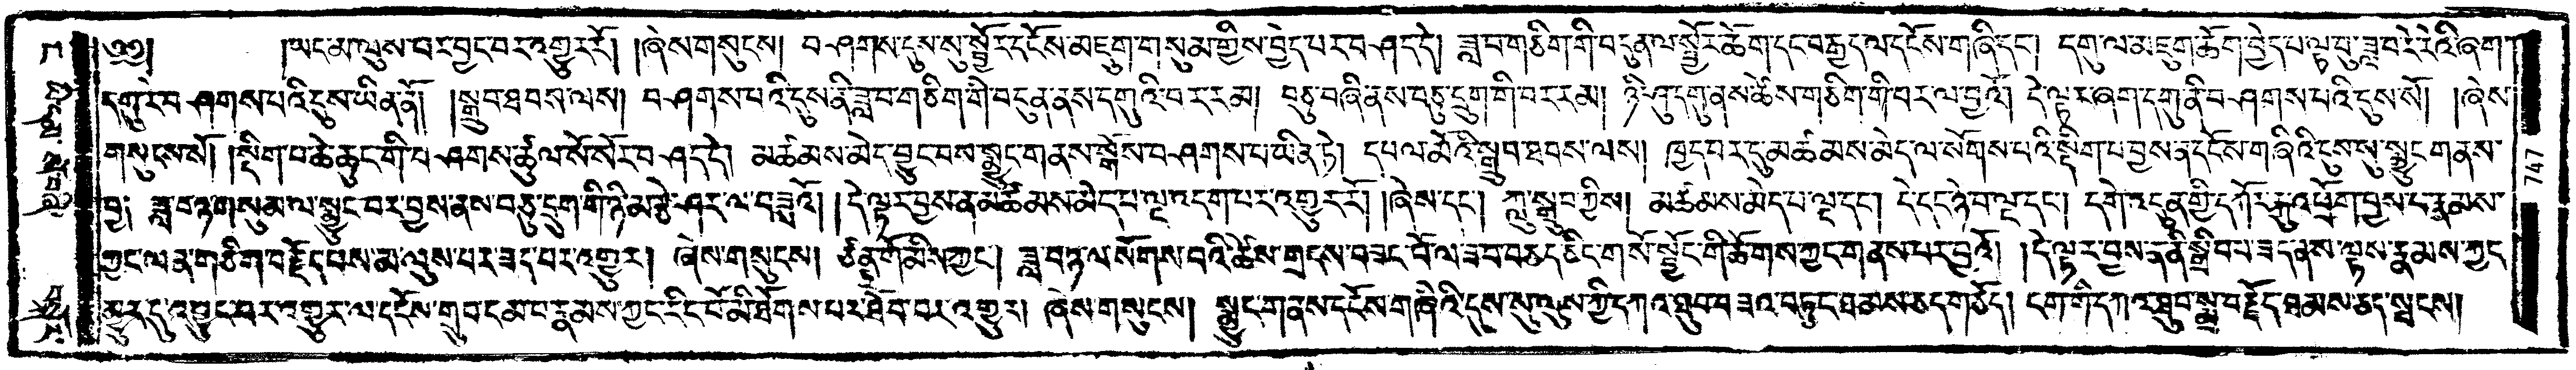༄༅། །ཡང་མ་ལུས་པར་བྱང་པར་འགྱུར་རོ། །ཞེས་གསུངས། བཤགས་དུས་སུ་སྦྱོར་དངོས་མཇུག་གསུམ་གྱིས་བྱེད་པར་བཤད་དེ། ཟླ་བ་གཅིག་གི་བདུན་ལ་སྦྱོར་ཆོག་དང་བརྒྱད་ལ་དངོས་གཞི་དང་། དགུ་ལ་མཇུག་ཆོག་བྱེད་པ་ལྟ་བུ་ཟླ་བ་རེ་རེའི་ཞག་
དགུ་རེ་བཤགས་པའི་དུས་ཡིན་ནོ། །སྒྲུབ་ཐབས་ལས། བཤགས་པའི་དུས་ནི་ཟླ་བ་གཅིག་གི་བདུན་ནས་དགུའི་བར་རམ། བཅུ་བཞི་ནས་བཅུ་དྲུག་གི་བར་རམ། ཉི་ཤུ་དགུ་ནས་ཚེས་གཅིག་གི་བར་ལ་བྱའོ། དེ་ལྟར་ཞག་དགུ་ནི་བཤགས་པའི་དུས་སོ། །ཞེས་
གསུངས་སོ། །སྡིག་པ་ཆེ་ཆུང་གི་བཤགས་ཚུལ་སོ་སོར་བཤད་དེ། མཚམས་མེད་བྱུང་བས་སྨྱུང་གནས་སྒོས་བཤགས་པ་ཡིན་ཏེ། དཔལ་མོའི་སྒྲུབ་ཐབས་ལས། ཁྱད་པར་དུ་མཚམས་མེད་ལ་སོགས་པའི་སྡིག་པ་བྱས་ན་དངོས་གཞིའི་དུས་སུ་སྨྱུང་གནས་
བྱ། ཟླ་བ་ཉ་གསུམ་ལ་སྨྱུང་བར་བྱས་ནས་བཅུ་དྲུག་གི་ཉི་མ་རྩེ་ཤར་ལ་བཟླའོ། །དེ་ལྟར་བྱས་ན་མཚམས་མེད་པ་ལྔ་འདག་པར་འགྱུར་རོ། །ཞེས་དང་། ཀླུ་སྒྲུབ་ཀྱིས། མཚམས་མེད་པ་ལྔ་དང་། དེ་དང་ཉེ་བ་ལྔ་དང་། དགེ་འདུན་གྱི་དཀོར་རྐུ་འཕྲོག་བྱས་པ་རྣམས་
ཀྱང་ལན་གཅིག་བརྗོད་པས་མ་ལུས་པར་ཟད་པར་འགྱུར། ཞེས་གསུངས། ཙནྡྲ་གོ་མིས་ཀྱང་། ཟླ་བ་ཉ་ལ་སོགས་པའི་ཚེས་གྲངས་བཟང་པོ་ལ་ཟབ་བཅད་ཅིང་གསོ་སྦྱོང་གི་ཚོགས་ཀྱང་གནས་པར་བྱའོ། །དེ་ལྟར་བྱས་ན་ནི་སྒྲིབ་བཟད་ནས་ལྟས་རྣམས་ཀྱང་
མྱུར་དུ་འབྱུང་བར་འགྱུར་ལ་དངོས་གྲུབ་དམ་པ་རྣམས་ཀྱང་རིང་པོ་མི་ཐོགས་པར་ཐོབ་པར་འགྱུར། ཞེས་གསུངས། སྨྱུང་གནས་དངོས་གཞིའི་དུས་སུ་ལུས་ཀྱི་དཀའ་ཐུབ་བཟའ་བཏུང་ཐམས་ཅད་གཅོད། དག་གི་དཀའ་ཐུབ་སྨྲ་བརྗོད་ཐབས་ཅད་སྤངས།